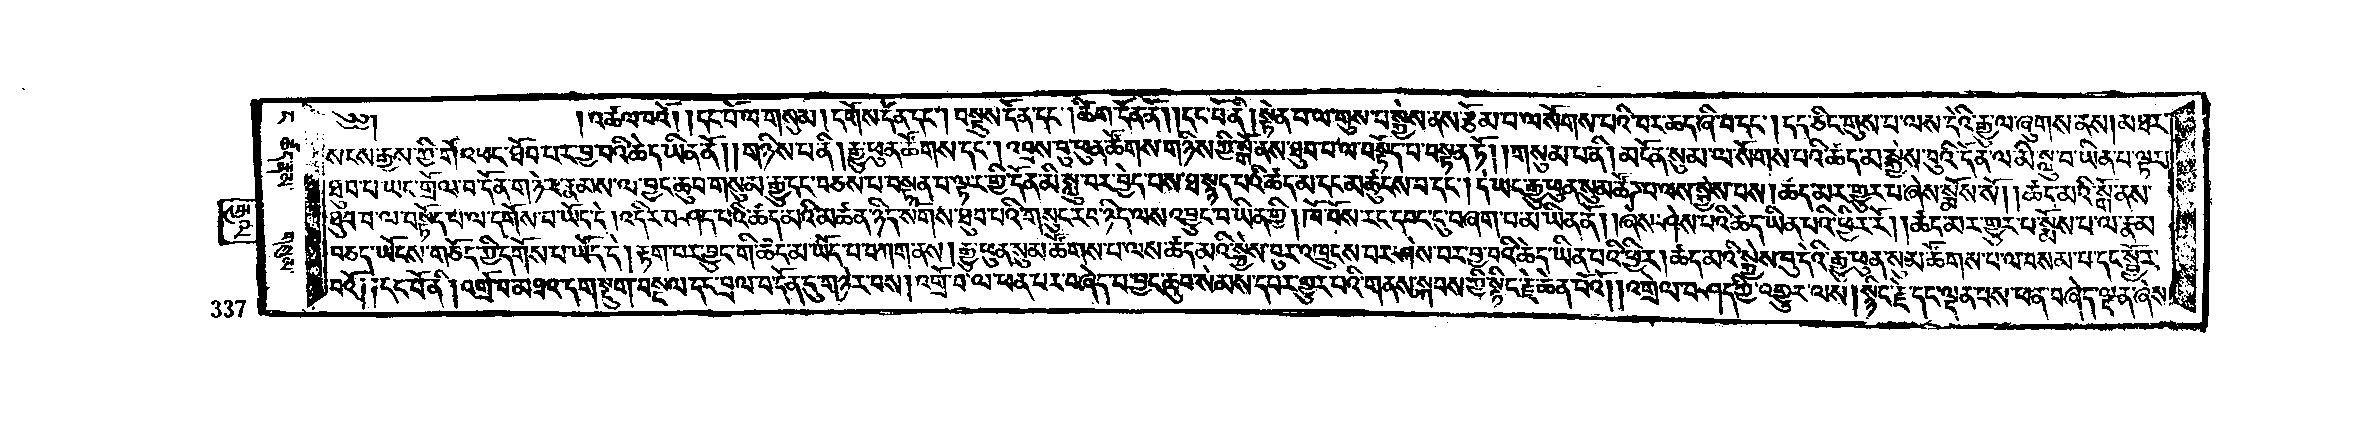༄༅། །འཚལ་བའོ། །དང་པོ་ལ་གསུམ། དགོས་དོན་དང་། བསྡུས་དོན་དང་། ཚིག་དོན་ནོ། །དང་པོ་ནི། སྟོན་པ་ལ་གུས་པ་སྐྱེས་ནས་རྩོམ་པ་ལ་སོགས་པ་འི་བར་ཆད་ཞི་བ་དང་། དད་ཅིང་གུས་པ་ལས་དེའི་རྒྱུ་ལ་ཞུགས་ནས། མཐར་
སངས་རྒྱས་ཀྱི་གོ་འཕང་ཐོབ་པར་བྱའི་ཆེད་ཡིན་ནོ། །གཉིས་པ་ནི། རྒྱུ་ཕུན་ཚོགས་དང་། འབྲས་བུ་ཕུན་ཚོགས་གཉིས་ཀྱི་སྒོ་ནས་ཐུབ་པ་ལ་བསྟོད་པ་བསྟན་ཏོ། །གསུམ་པ་ནི། མངོན་སུམ་ལ་སོགས་པ་འི་ཚད་མ་སྐྱེས་བུའི་དོན་ལ་མི་སླུ་བ་ཡིན་པ་ལྟར་
ཐུབ་པ་ཡང་གྲོལ་བ་དོན་གཉིར་རྣམས་ལ་བྱང་ཆུབ་གསུམ་རྒྱུ་དང་བཅས་པ་བསྟན་པ་ལྟར་གྱི་དོན་མི་སླུ་བར་བྱེད་པས་ཐ་སྙད་པ་འི་ཚད་མ་དང་མཚུངས་པ་དང་། དེ་ཡང་རྒྱུ་ཕུན་སུམ་ཚོགས་པ་ལས་སྐྱེས་པས། ཚད་མར་གྱུར་པ་ཞེས་སྨོས་སོ། །ཚད་མའི་སྒོ་ནས་
ཐུབ་པ་ལ་བསྟོད་པ་ལ་དགོས་པ་ཡོད་དེ། འདིར་བཤད་པ་འི་ཚད་མའི་མཚན་ཉིད་སོགས་ཐུབ་པ་འི་གསུང་རབ་ཉིད་ལས་འབྱུང་བ་ཡིན་གྱི། ཁོ་བོས་རང་དབང་དུ་བཞག་པ་མ་ཡིན་ནོ། །ཞེས་བཤེས་པ་འི་ཆེད་ཡིན་པ་འི་ཕྱིར་རོ། །ཚད་མར་གྱུར་པ་སྨོས་པ་ལ་རྣམ་
བཅད་ཡོངས་གཅོད་ཀྱི་དགོས་པ་ཡོད་དེ། རྟག་པར་བྱུང་གིར་སད་མ་ཡོད་པ་བཀག་ནས། རྒྱུ་ཕུན་སུམ་ཚོགས་པ་ལས་ཚད་མའི་སྐྱེས་བུར་འཁྲུངས་པར་ཤེས་པར་བྱ་བའི་ཆེད་ཡིན་པ་འི་ཕྱིར། ཚད་མའི་སྐྱེས་བུ་དེའི་རྒྱུ་ཕུན་སུམ་ཚོགས་པ་ལ་བསམ་པ་དང་སྦྱོར་
བའོ། །དང་པོ་ནི། འགྲོ་བ་མཐའ་དག་སྡུག་བསྔལ་དང་བྲལ་བ་དོན་དུ་གཉེར་བས། འགྲོ་བ་ལ་ཕན་པར་བཞེད་པ་བྱང་ཆུབ་སེམས་དཔར་གྱུར་བའི་གནས་སྐབས་ཀྱི་སྙིང་རྗེ་ཆེན་པོའོ། །འགྲེལ་བཤད་ཀྱི་འགྱུར་ལས། སྙིང་རྗེ་དང་ལྡན་པས་ཕན་བཞེད་ལྡན་ཞེས་